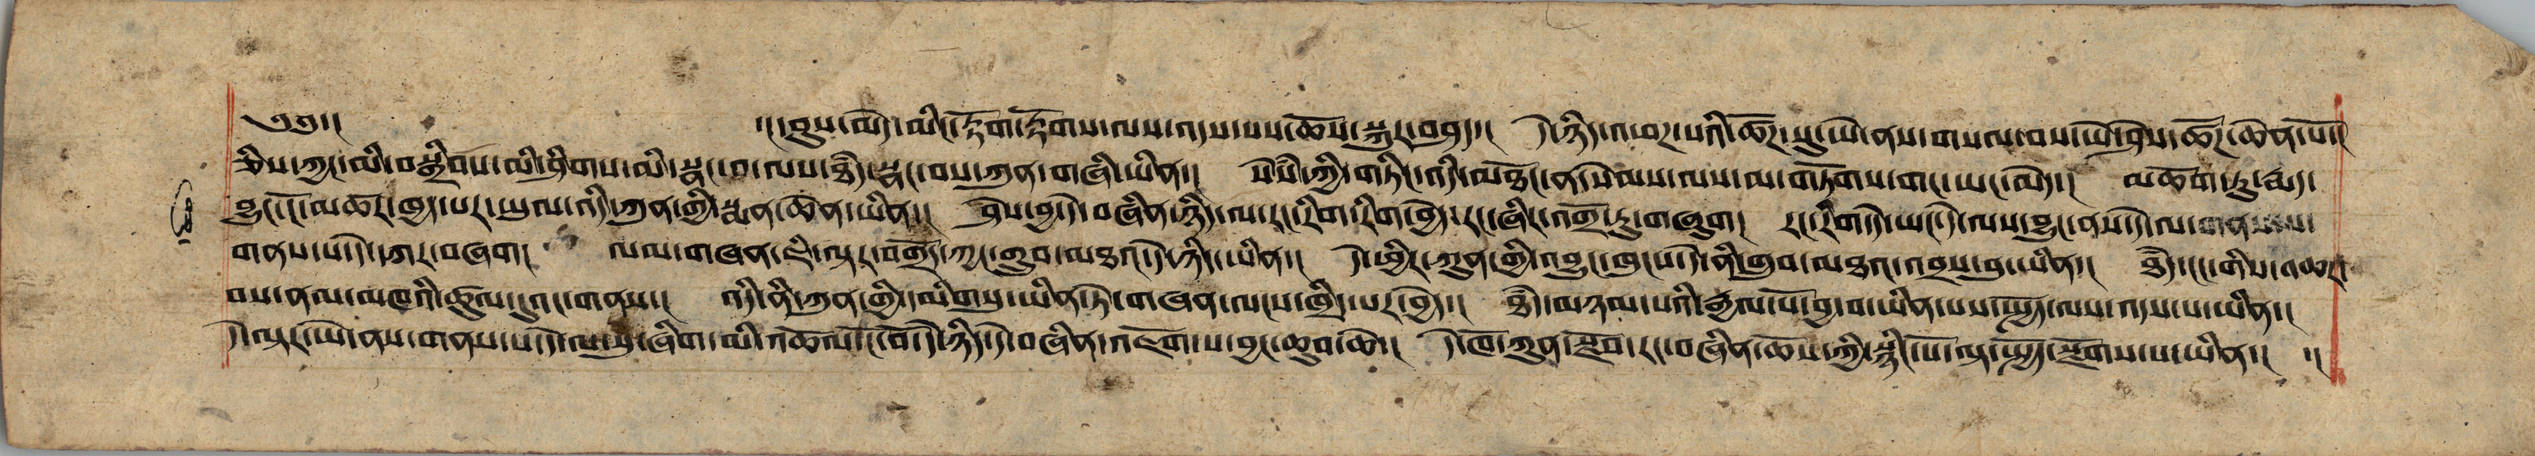༄༅་། ་།དབུས་མེད་མིང་རྟོག་རྟོགས་ལས་འདས་པས་ཆོས་སྐུར་བཤད་། དེ་ཉིད་འཕཌ་པའི་ཚོཌ་སུ་ཡེ་ནས་གསལ་་བས་ཡེ་ཤེས་ཚོཌ་ཆེན་པོ་།
ཅིས་ཀྱང་མི་བསྒྲིབས་མི་ཤིགས་མི་སྣང་བ་ལས་ཐཾད་སྣང་བས་ཀུན་གཞི་ཡིན་། སེཾས་ཀྱི་གཏིང་འདི་མཐོང་ན་སེཾས་ལས་མ་གཏོགས་གང་ཡང་མཻད་། མཆོག་ཏུ་རྨད་
བྱུང་ངོ་མཚར་ཁྱད་པར་ཡུལ་འདི་ཀུན་གྱི་སྨན་ཆེན་ཡིན་། ཤེས་བྱ་དེ་བཞིན་ཉིད་ལ་རང་རིག་རིག་བྱེད་རང་ཞིང་འགྲོ་་ཏུ་གཞུག་། རང་རིག་དེ་ཡང་དེ་ལས་བྱུང་ནས་དེ་ལ་གནས་པ་
གནས་པ་དེ་དཀར་བཞག། ལམ་གཞན་ཇི་ལྟར་བགྲོད་ཀྱང་གྲུབ་མཐའ་དེ་ཉིད་ཡིན་། དེ་ཕྱིར་ཀུན་གྱི་འབྱུང་ཁུངས་དེ་ནི་གྲུབ་མཐའ་འབྲས་བུ་ཡིན་། ཐཾད་ངང་གིས་འཆར
བས་ནམ་མཁའི་ཚུལ་དུའང་གནས་། འདི་ནི་ཀུན་གྱི་དམིགསུ་་ཡིན་ཏེ་གཞན་ལངས་ཁྲིད་པར་བྱེད་། ཐཾད་མཉམ་པའི་རྒྱལ་པོ་བྱ་བ་ཡིན་པས་སྤྱོད་ལས་འདས་པ་ཡིན་།
དེ་ལྟར་ཡེ་ནས་གནས་པ་དེ་ལ་སུ་ཞིག་མི་འཆོལ་ངོ་བོ་དེ་ཉིད་དེ་བཞིན་འཇོག་པ་བྱང་ཆུབ་ཆེ་། དེ་ཁོ་ཀུན་སྫོབ་རང་བཞིན་ཆོས་ཀྱི་སྙིང་པོ་ལྟ་སྤྱོད་སྫོགས་པ་ཡིན་།